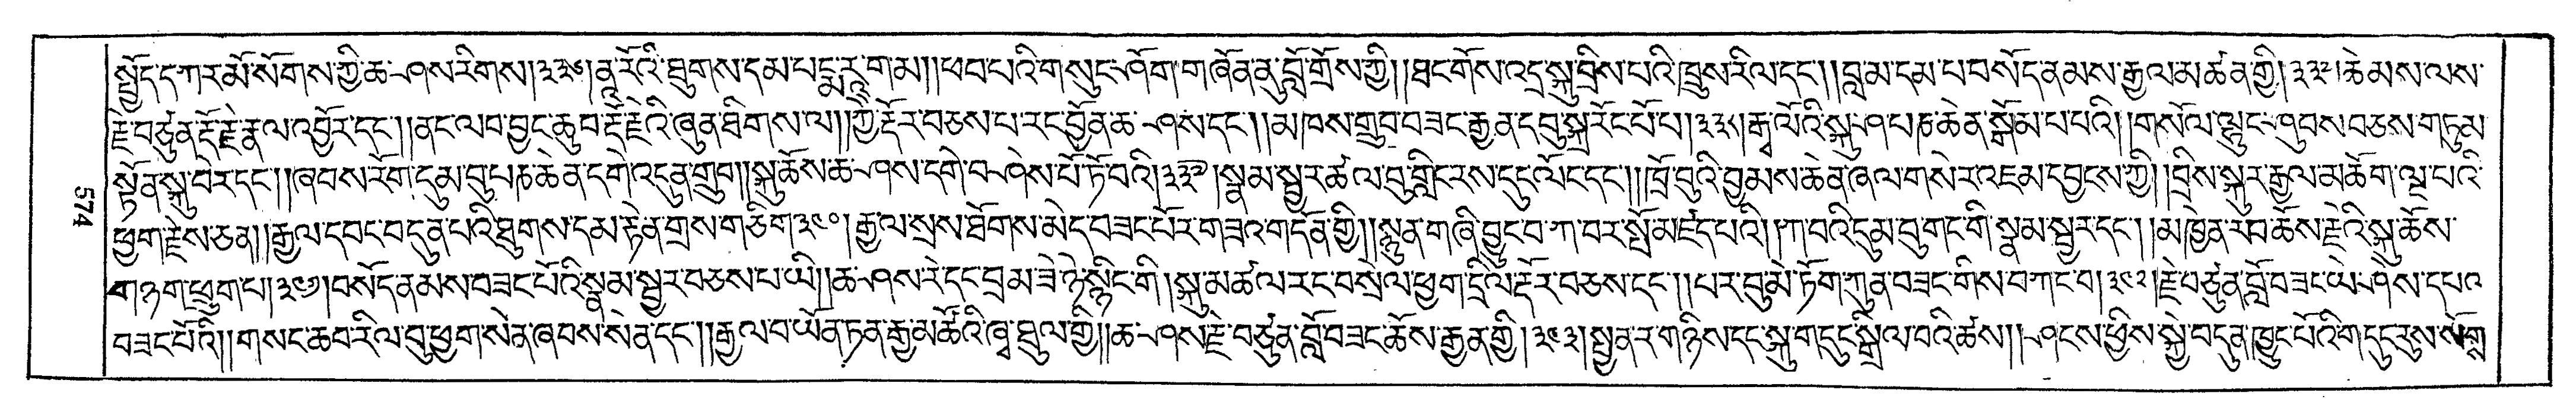སྤྱོད་དཀར་མོ་སོགས་ཀྱི་ཆ་ཤས་རིགས། ༣༣༦་།ནཱ་རོའི་ཐུགས་དམ་པདམ་རཱ་ག་མ། །ཕབ་པའི་གསུང་ཤོག་གཞོན་ནུ་བློ་གྲོས་ཀྱི། །ཐང་གོས་འདྲ་སྐུ་བྲིས་པའི་ཁྲུས་རིལ་དང་། །བླ་མ་དམ་པ་བསོད་ནམས་རྒྱལ་མཚན་གྱི། ༣༣༧་།ཆེམས་ལས་
རྗེ་བཙུན་རྡོ་རྗེ་རྣལ་འབྱོར་དང་། །ནང་ལ་བ་བྱང་ཆུབ་རྡོ་རྗེའི་ཞུན་ཐིགས་ལ། །ཀྱཻ་རྡོར་བཅས་པ་རང་བྱོན་ཆ་ཤས་དང་། །མཁས་གྲུབ་བཟང་རྒྱན་དབུ་སྐྲ་རོང་པོ་པ། ༣༣༨་།རྒྭ་ལོའི་སྐུ་ཤ་པཎ་ཆེན་སྒོམ་པ་པའི། །གསོལ་ལྷུང་ཤུབས་བཅས་གཏུམ་
སྟོན་སྐུ་བེར་དང་། །ཞབས་རོག་དུམ་བུ་པཎ་ཆེན་དགེ་འདུན་གྲུབ། །སྐུ་ཆོས་ཆ་ཤས་དགེ་བཤེས་པོ་ཏོ་བའི། ༣༣༧་།སྣམ་སྦྱར་ཚལ་བུ་གླིང་རས་དུང་ལོང་དང་། །ཁྲོ་ཕུའི་བྱམས་ཆེན་ཞལ་གསེར་འཇམ་དབྱངས་ཀྱི། །བྲིས་སྐུར་རྒྱལ་མཆོག་ལྔ་པའི་
ཕྱག་རྗེས་ཅན། །རྒྱལ་དབང་བདུན་པའི་ཐུགས་དམ་རྟེན་གྲས་གཅིག ༣༤༠་།རྒྱལ་སྲས་ཐོགས་མེད་བཟང་པོར་གཟའ་གདོན་གྱི། །སྙུན་གཞི་བྱུང་བ་ཀ་བར་སྤོ་མཛད་པའི། །ཀ་བའི་དུམ་བུ་གང་གི་སྣམ་སྦྱར་དང་། །མཁྱེན་རབ་ཆོས་རྗེའི་སྐུ་ཆོས་
གཉག་ཕྲུག་པ། ༣༤༡་།བསོད་ནམས་བཟང་པོའི་སྣམ་སྦྱར་བཅས་པ་ཡི། །ཆ་ཤས་རེ་དང་བྲམ་ཟེ་ཉེ་སྙིན་གི། སྐུ་མཚལ་རིང་བསྲེལ་ཕྱག་དྲིལ་རྡོར་བཅས་དང་། །པར་བུ་མེ་ཏོག་ཀུན་བཟང་གིས་བཀང་ག ༣༤༢་།རྗེ་བཙུན་བློ་བཟང་ཡེ་ཤེས་དཔལ་
བཟང་པོའི། །གསང་ཆ་བ་རིལ་བུ་ཕྱག་སེན་ཞབས་སེན་དང་། །རྒྱལ་བ་ཡོན་ཏན་རྒྱ་མཚོའི་ཞྭ་ཐུལ་གྱི། །ཆ་ཤས་རྗེ་བཙུན་བློ་བཟང་ཆོས་རྒྱན་གྱི། ༣༤༣་།སྤྱན་ར་གཉིས་དང་སྐུ་གདུང་སྒྲིལ་བའི་ཚས། །ཤངས་ཕྱིས་སྐྱེ་བདུན་ཁྱུང་པོའི་གདུང་རུས་སོགས་